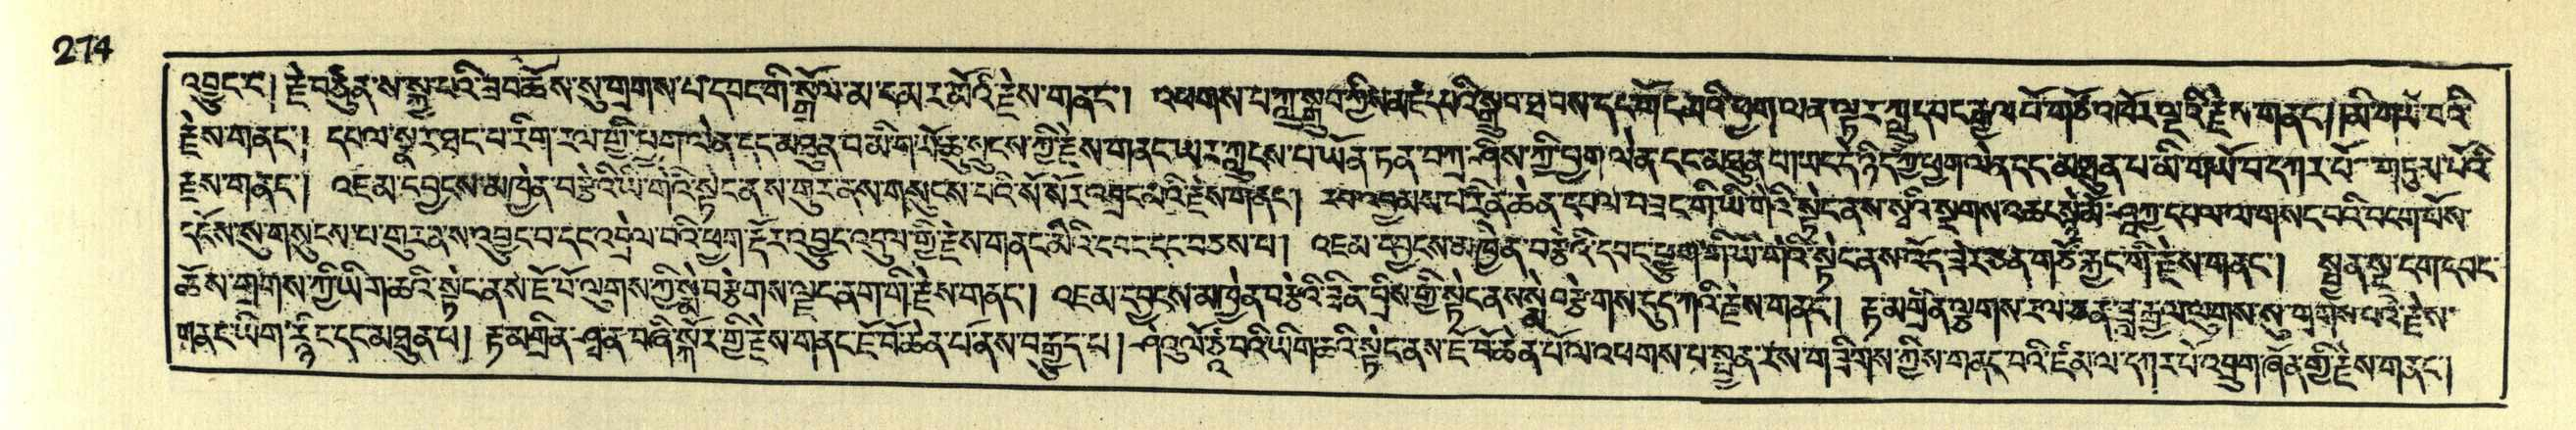འབྱུང་ང་། རྗེ་བཙུན་ས་སྐྱ་པའི་ཟབ་ཆོས་སུ་གྲགས་པ་དབང་གི་སྒྲོལ་མ་དམར་མོའི་རྗེས་གནང་། འཕགས་པ་ཀླུ་སྒྲུབ་ཀྱིས་མཛད་པའི་སྒྲུབ་ཐབས་དང་གོང་མའི་ཕྱག་ལན་ལྟར་ཀླུ་དབང་རྒྱལ་པོ་གཙོ་འཁོར་ལྔའི་རྗེས་གནང་། །མི་གཡོ་བའི་
རྗེས་གནང་། དཔལ་སྣར་ཐང་པ་རིག་རལ་གྱི་ཕྱག་ལེན་དང་མཐུན་བ་མི་གཡོ་ཆུ་སྲུངས་ཀྱི་རྗེས་གནང་ཡར་ཀླུངས་པ་ཡོན་ཏན་བཀྲ་ཤིས་ཀྱི་ཕྱག་ལེན་དང་མཐུན་པ། ཡང་དེ་ཉིད་ཀྱི་ཕྱག་ལེན་དད་མཐུན་པ་མི་གཡོ་བ་དཀར་པོ་གཏུམ་པོའི་
རྗས་གནང་། འཇམ་དབྱངས་མཁྱེན་བརྩེའི་ཡི་གེའི་སྟེང་ནས་གུར་ནས་གསུངས་པའི་སོ་སོར་འབྲང་མའི་རྗེས་གནང་། རབ་འབྱམས་པ་རིན་ཆེན་དཔལ་བཟང་གི་ཡི་གེའི་སྟེང་ནས་སྭའི་སྔགས་འཆང་སྙེ་མོ་ཤཱཀྱ་དཔལ་ལ་གསང་བའི་བདག་པོས་
དངོས་སུ་གསུངས་པ་གུར་ནས་འབྱུང་བ་དང་འབྲེལ་བའི་ཕྱག་རྡོར་འབྱུང་འདུལ་གྱི་རྗེས་གནང་མིའི་དབང་དབང་བཅས་པ། འཇམ་དབྱངས་མཁྱེན་བརྩེའི་དབང་ཕྱུག་གི་ཡི་གེའི་སྟེང་ནས་འོད་ཟེར་ཅན་གཙོ་རྐྱང་གི་རྗེས་གནང་། སྤྱན་སྔ་ངག་དབང་
ཆོས་གྲགས་ཀྱི་ཡིག་ཆའི་སྟེང་ནས་ཇོ་པོ་ལུགས་ཀྱི་སྨེ་བརྩེགས་ལྗང་ནག་གི་རྗེས་གནང་། འཇམ་དབྱངས་མཁྱེན་བརྩེའི་ཟིན་བྲིས་གྱི་སྟེང་ནས་སྨེ་བརྩེགས་དུད་ཀའི་རྗེས་གནང་། རྟ་མགྲིན་ལྕགས་རལ་ཅན་ཟླ་རྒྱལ་ལུགས་སུ་གྲགས་པའི་རྗེས་
གནང་ཡིག་རྙིང་དང་མཐུན་པ། རྟ་མགྲིན་ཤྭ་ན་བཞི་སྐོར་གྱི་རྗེས་གནང་ཇོ་བོ་ཆེན་པོ་ནས་བརྒྱུད་པ། ཤེའུ་ལོ་ཙཱ་བའི་ཡིག་ཆའི་སྟེང་ནས་ཇོ་བོ་ཆེན་པོ་ལ་འཕགས་པ་སྤྱན་རས་གཟིགས་ཀྱིས་གནང་བའི་ཛམ་ལ་དཀར་པོ་འབྲུག་ཞོན་གྱི་རྗེས་གནང་།